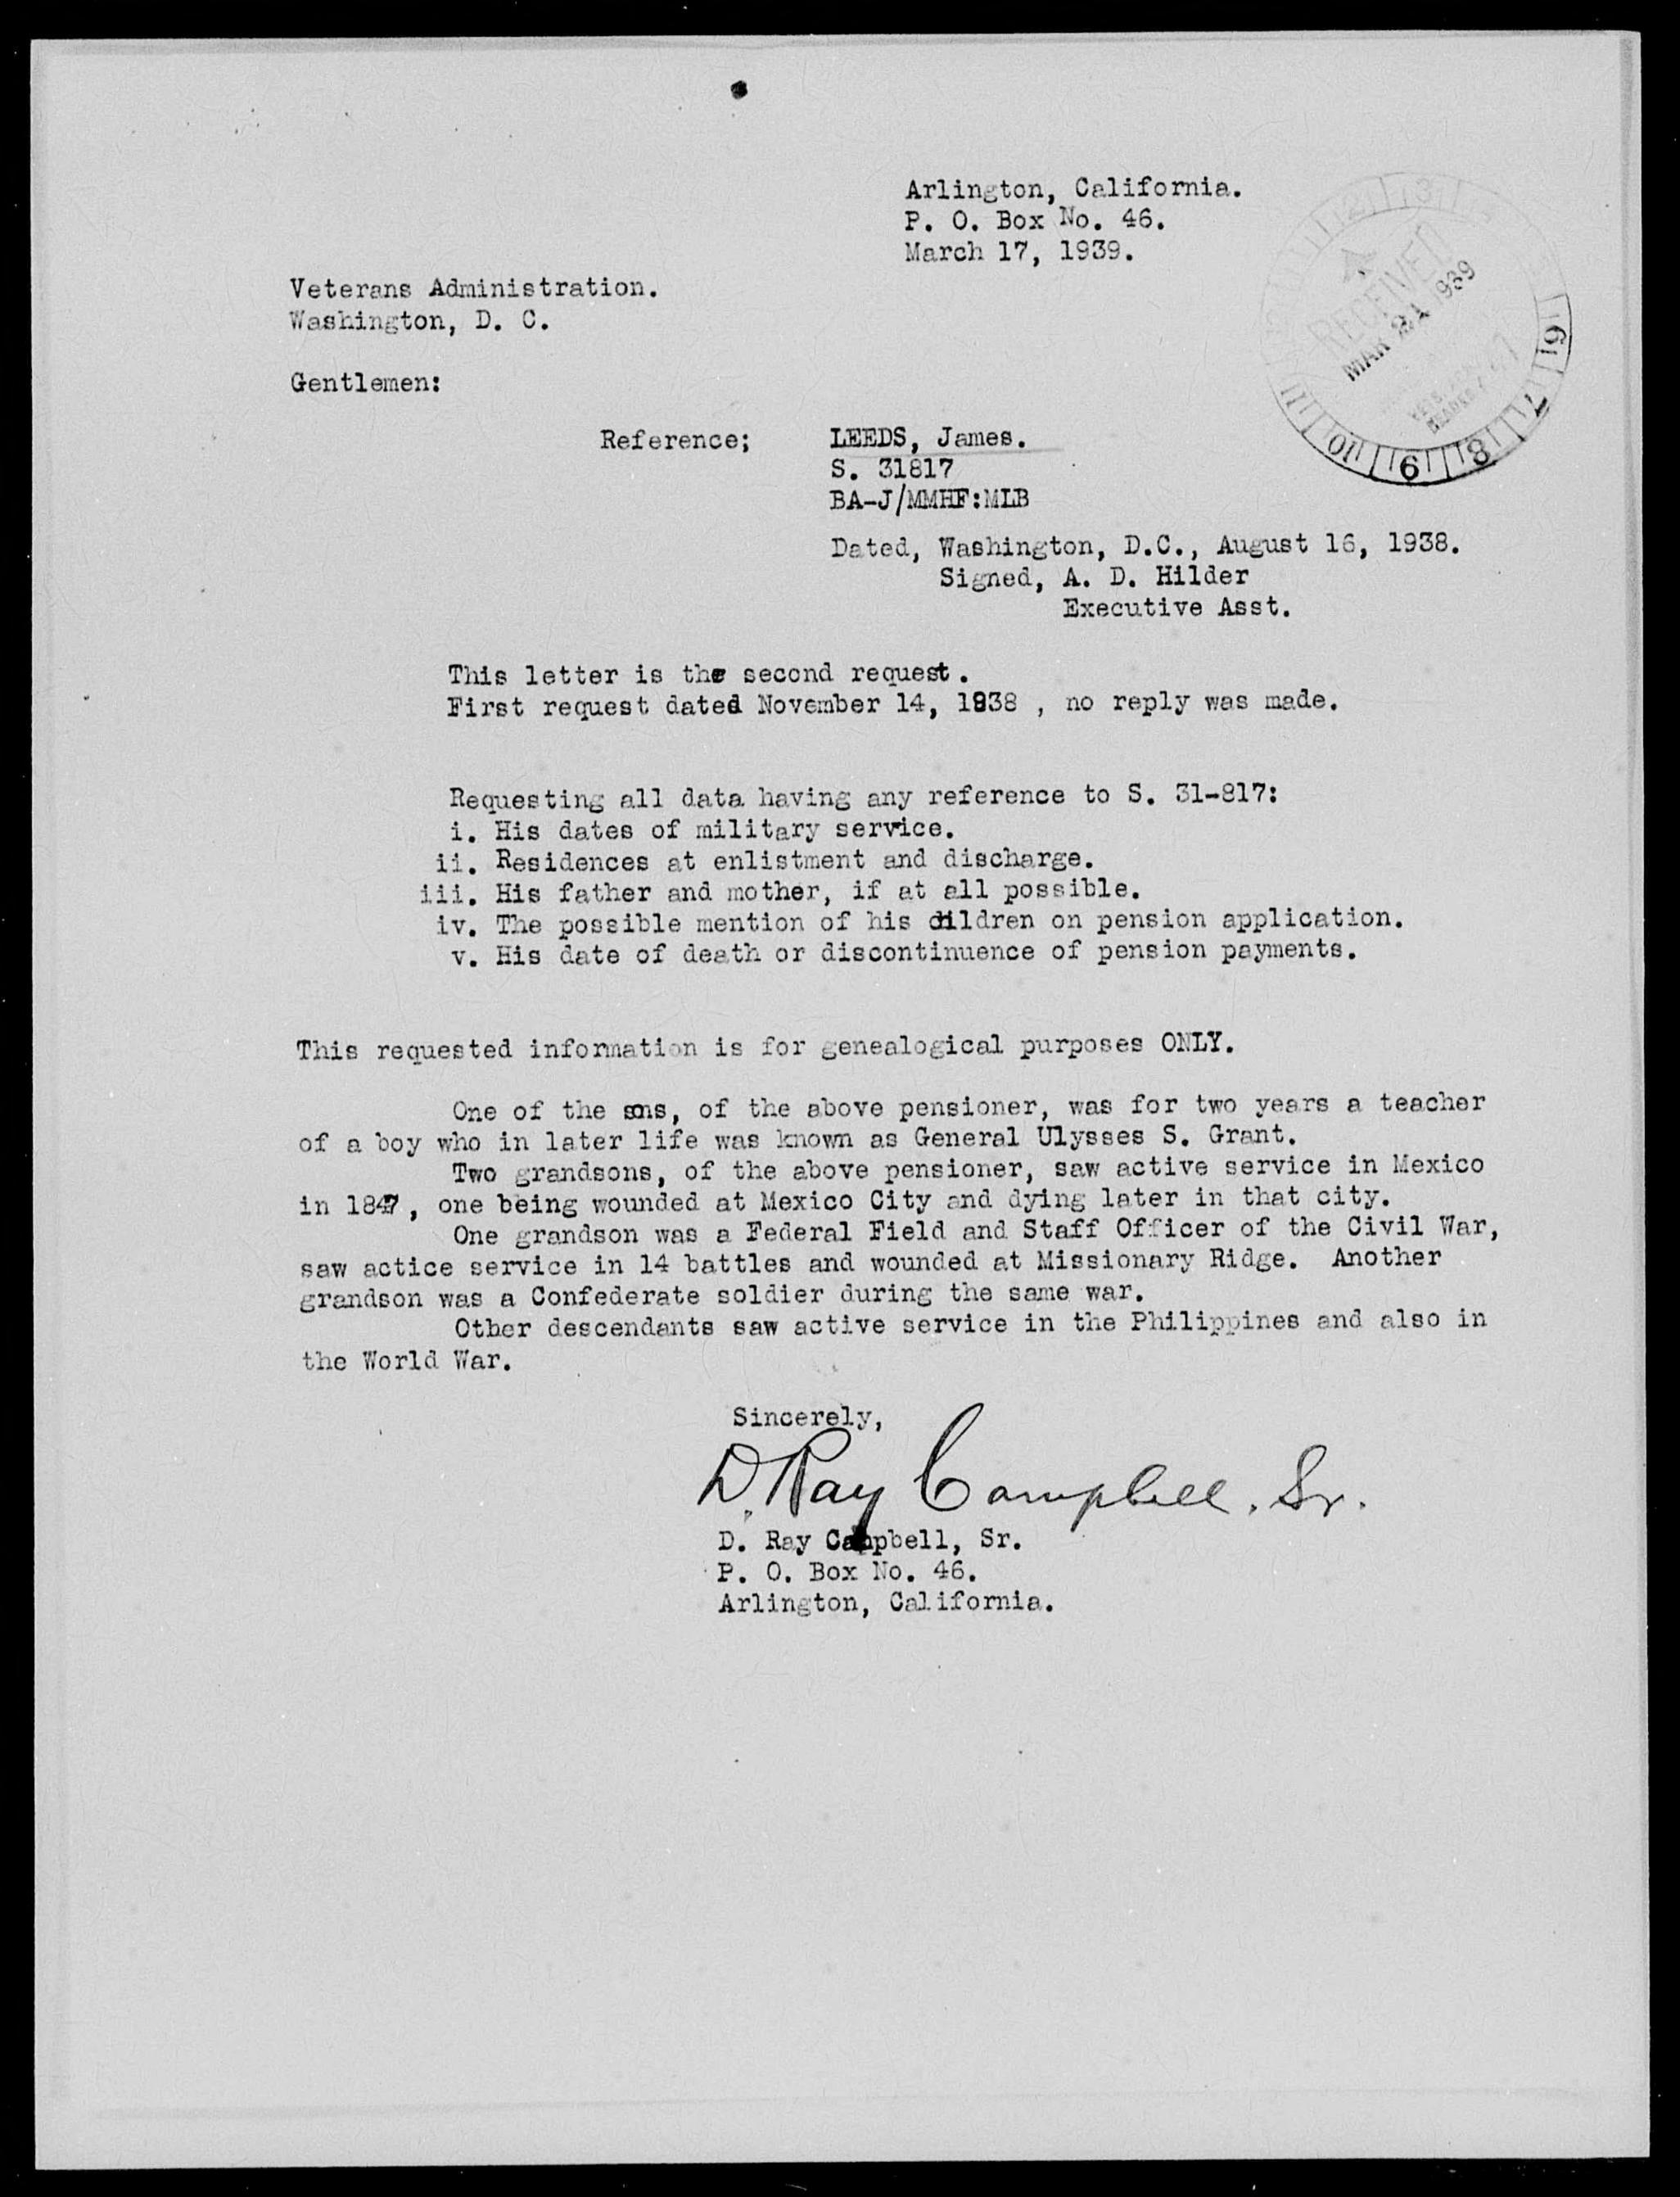Arlington, California.
P.O. Box No. 46.
March 17, 1939.

[Official stamp] Numbers  thru 12 outline the border
RECEIVED MAR 21 1939
[illegible]

Veterans Administration.
Washington, D.C.

Gentlemen:

Reference:  LEEDS, James. S. 31817 BA-J/MMHF:MLB

Dated, Washington, D.C., August 16, 1938. Signed, A.D. Hilder Executive Asst.

This letter is the second request. 
First request dated November 14, 1938, no reply was made.

Requesting all data having any reference to S. 31-817:
i.    His dates of military service.
ii.    Residences at enlistment and discharge.
iii.   His father and mother, if at all possible.
iv.   The possible mention of his children on pension application.
v.     His date of death or discontinuence of pension payments.

This requested information is for genealogical purposed ONLY.

One of the sons, of the above pensioner, was for two years a teacher of a boy who in later life was known as General Ulysses S. Grant.

Two grandsons, of the above pensioner, saw active service in Mexico in 1847, one being wounded at Mexico City and dying later in that city.

One grandson was a Federal Field and Staff Officer of the Civil War, saw actice service in 14 battles and wounded at Missionary Ridge. Another grandson was a Confederate soldier during the same war.

Other descendants saw active service in the Philippines and also in the World War.

Sincerely,

D Ray Campbell, Sr. [Signature]

D. Ray Campbell, Sr. [Typed]
P.O. Box No. 46.
Arlington, California.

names: A D Hilder; D Ray Campbell; James Leeds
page: 21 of 38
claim: survivor's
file: S 31817, for James Leeds, New Jersey